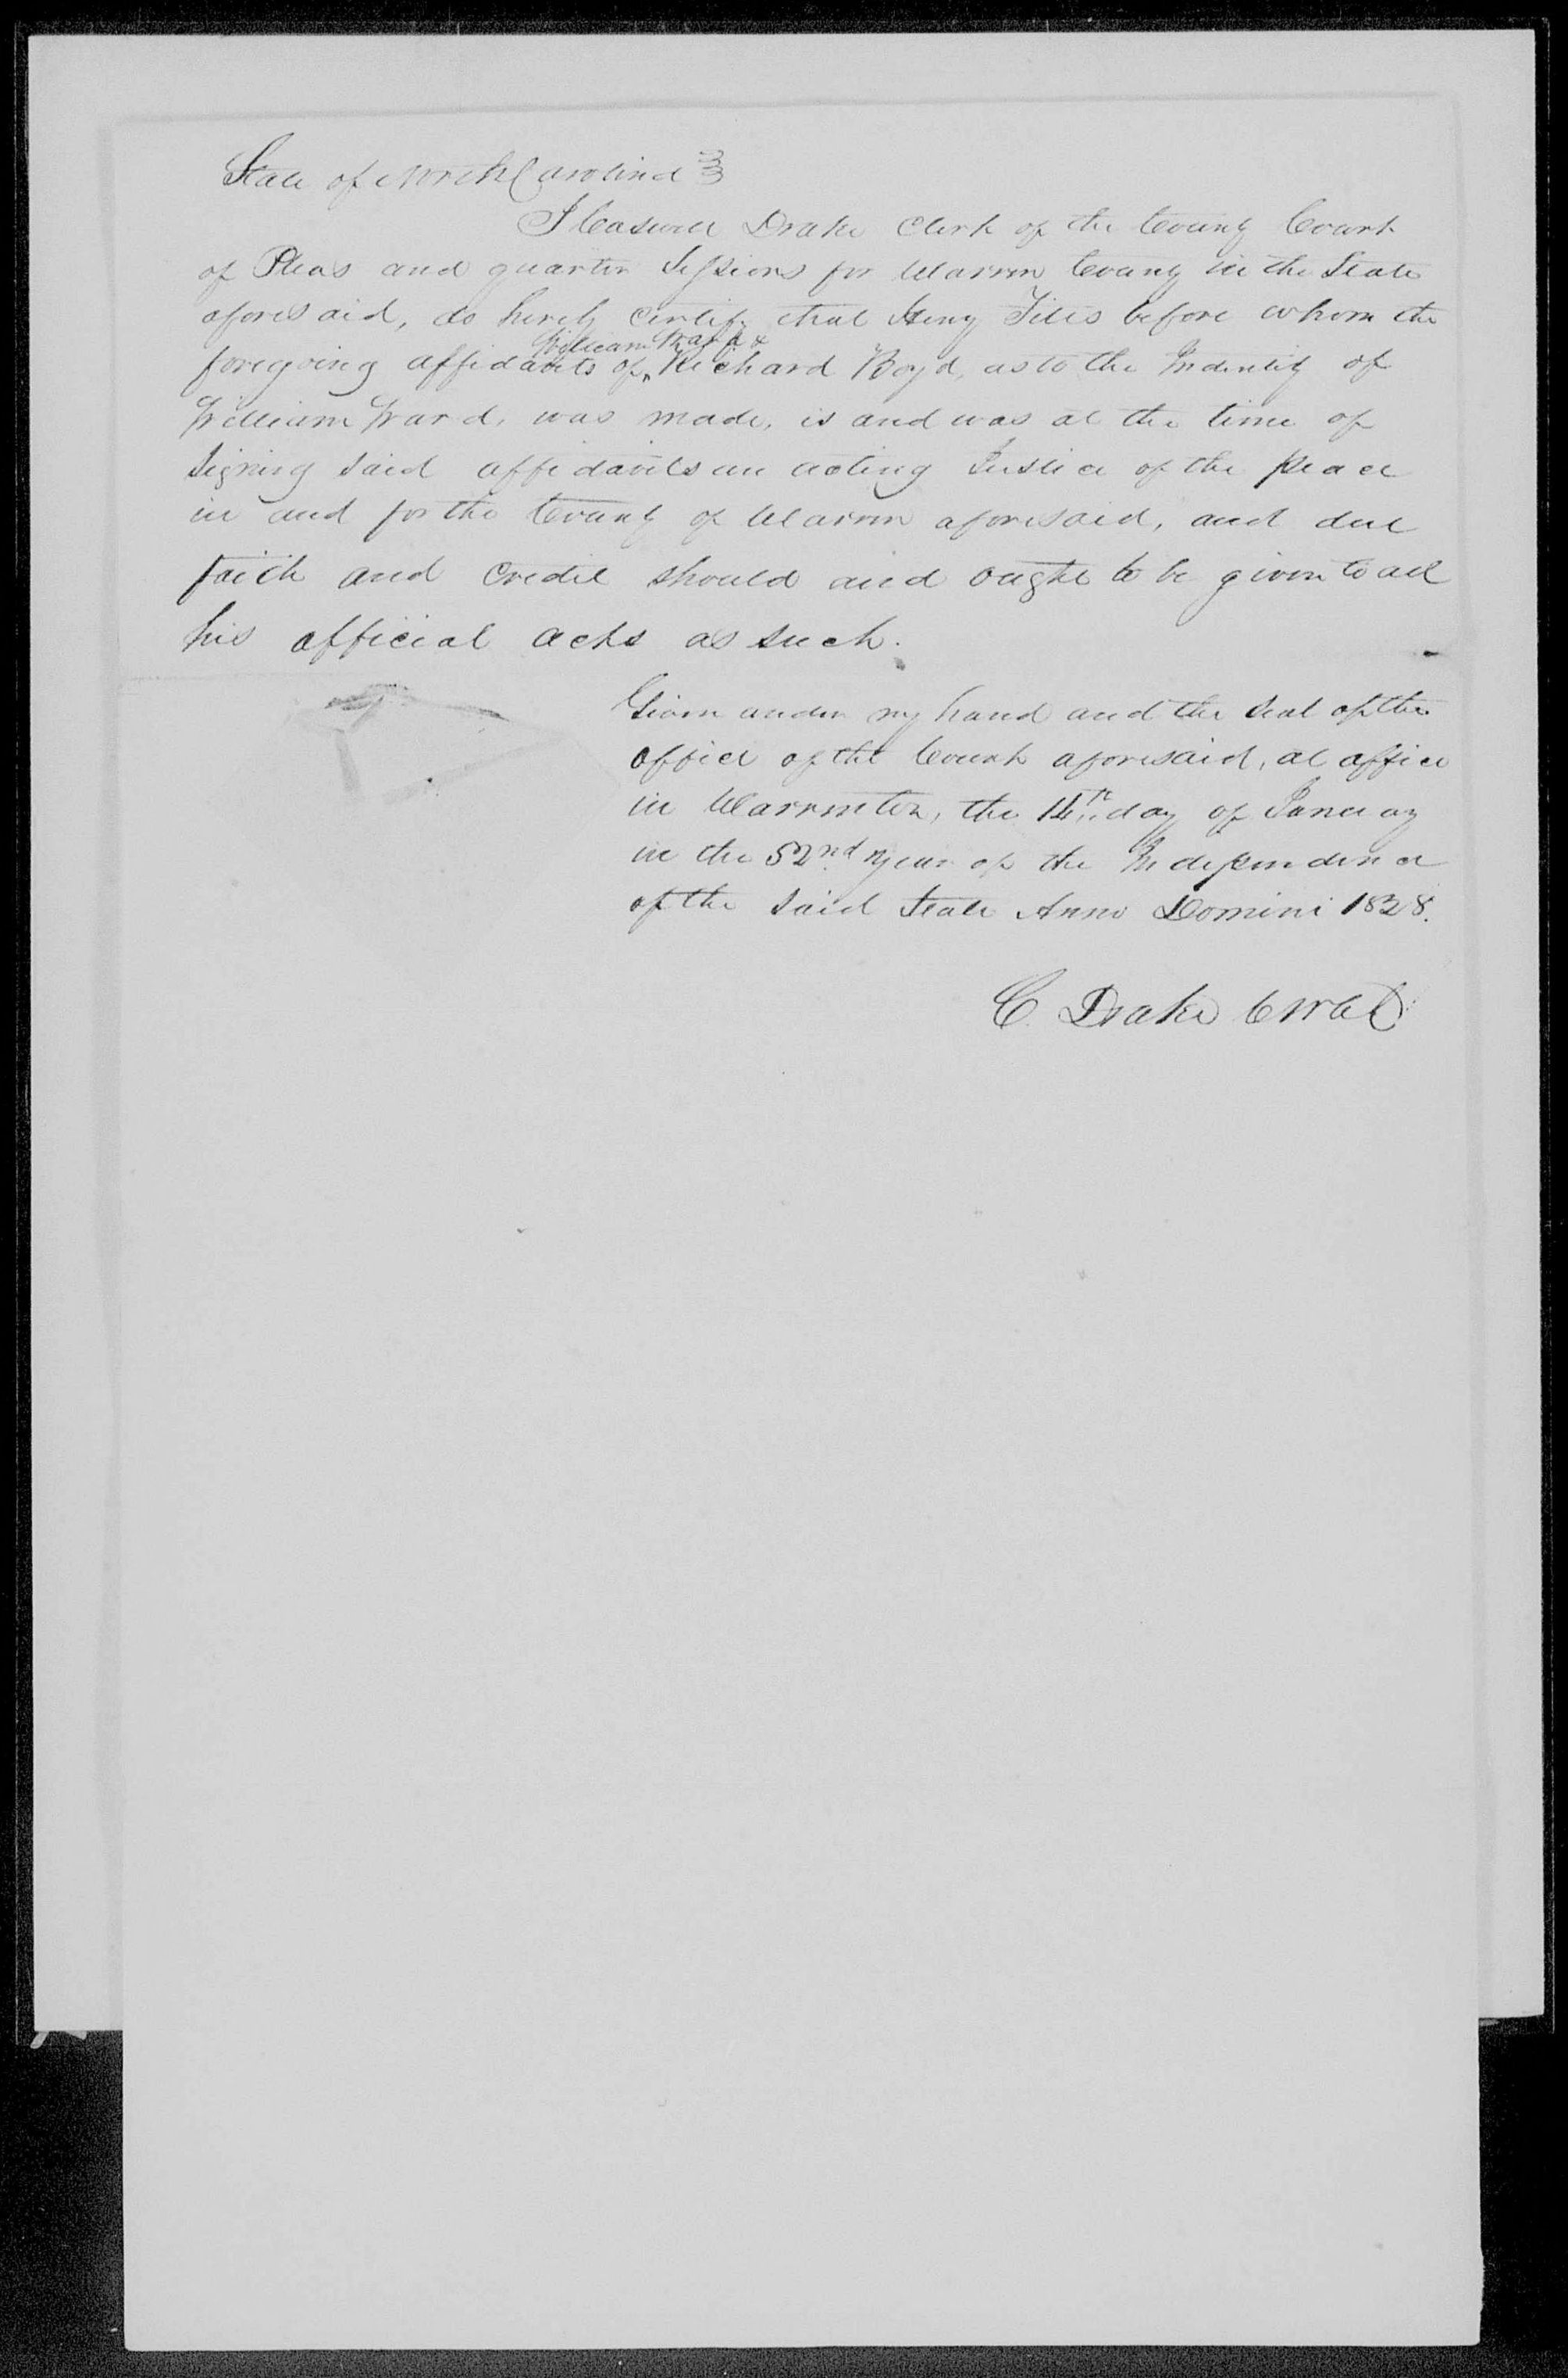State of North Carolina }
I Caswell Drake Clerk of the County Court
of Pleas and quarter Sessions for Warren County in the State aforesaid, do hereby certify that Heny Tiles before whom the foregoing affidavits of William Ward & Richard Boyd, as to the Indentity of William Ward was made, is and was at the time of signing said affidavits an acting Justice of the peace in and for the County of Warren aforesaid, and due faith and credit should and ought to be given to all his official acts as such.
Given under my hand and the seal of the
office of the Court aforesaid, at office
in Warrenton, the 14th day of January
in the 52nd year of the Independence
of the said State Anno Domini 1828.
C. Drake CWCC
[Seal affixed left of signature]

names: Heny Tiles, Caswell Drake, Richard Boyd, William Ward, William Ward, C Drake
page: 17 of 17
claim: survivor's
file: S. 42053, William Ward, Ga.